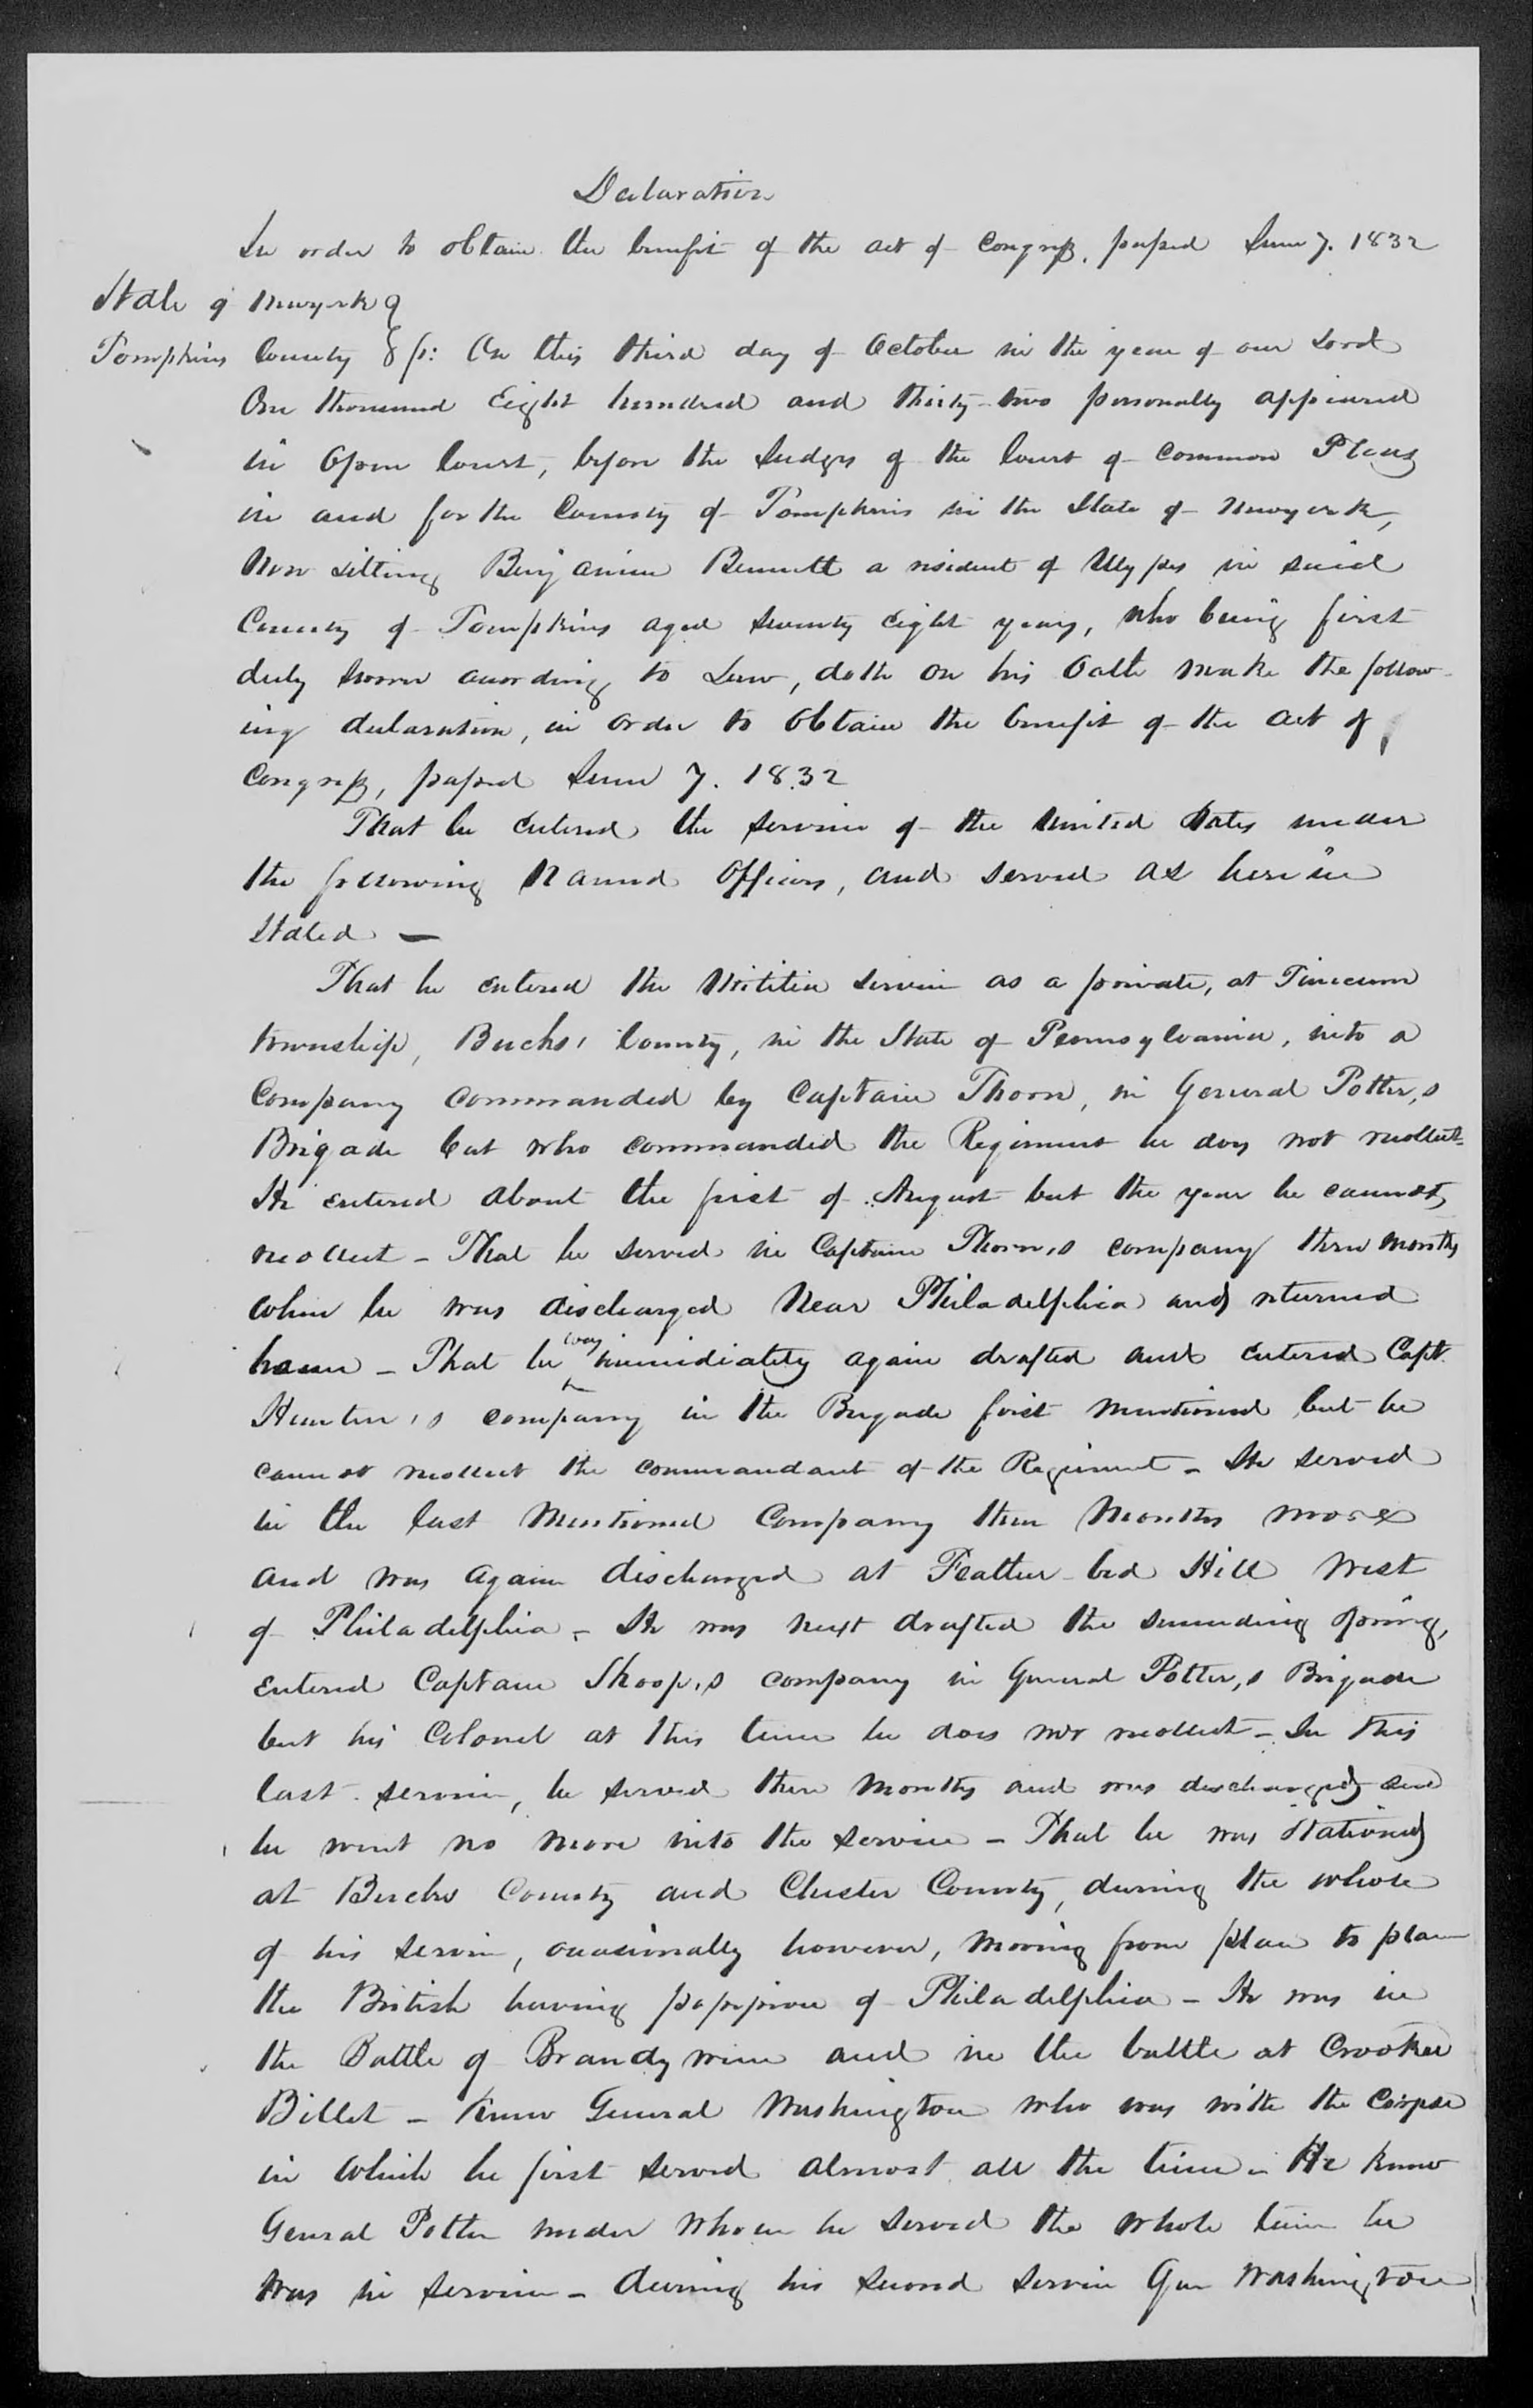Declaration
In order to obtain the benefit of the act of Congress, passed June 7. 1832
State of Newyork  Tompkins County } ss: On this third day of October in the year of our Lord One thousand Eight hundred and thirty-two personally appeared in Open Court, before the Judges of the Court of Common Pleas in and for the County of Tompkins in the State of New York, now sitting Benjamin Bennett a resident of Ulysses in said County of Tompkins aged Seventy Eight years, who being first duly sworn according to Law, doth on his Oath make the following declaration, in order to obtain the benefit of the act of Congress, passed Jun 7, 1832
That he entered the service of the United States under the following named Officers, and served as herein stated. --
That he entered the Militia Service as a private, at Tinicum township, Bucks County, in the State of Pennsylvania, into a Company commanded by Captain Thorn, in General Potter's Brigade but who commanded the Regiment he does not recollect. He entered about the first of August but the year he cannot recollect. That he served in Captain Thorn's Company three months when he was discharged Near Philadelphia and returned home. That he [was -- inserted] immediately again drafted and entered Capt Hunter's company in the Brigade first mentioned but he cannot recollect the commandant of the Regiment. He served in the last Mentioned Company three months more and was again discharged at Feather bed Hill West of Philadelphia. He was next drafted the [unreadable] spring, Entered Captain Shoop's company in General Potter's Brigade but his Colonel at this time he does not recollect. In this last service, he served three months and was discharged and he went no more into the service. That he was stationed at Bucks County and Chester County, during the whole of his Service, occasionally however, moving from place to place the British having possession of Philadelphia. He was in the Battle of Brandywine and in the battle at Crooker Billet -- knew General Washington who was with the Campn in which he first served almost all the time. He knew General Potter under whom he served the whole time he was in service. during his Second Service Gen Washington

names: Washington, Washington, Benjamin Bennett, Thorn, Potter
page: 3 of 16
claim: survivor's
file: S. 12175, Benjamin Bennett, Penn.